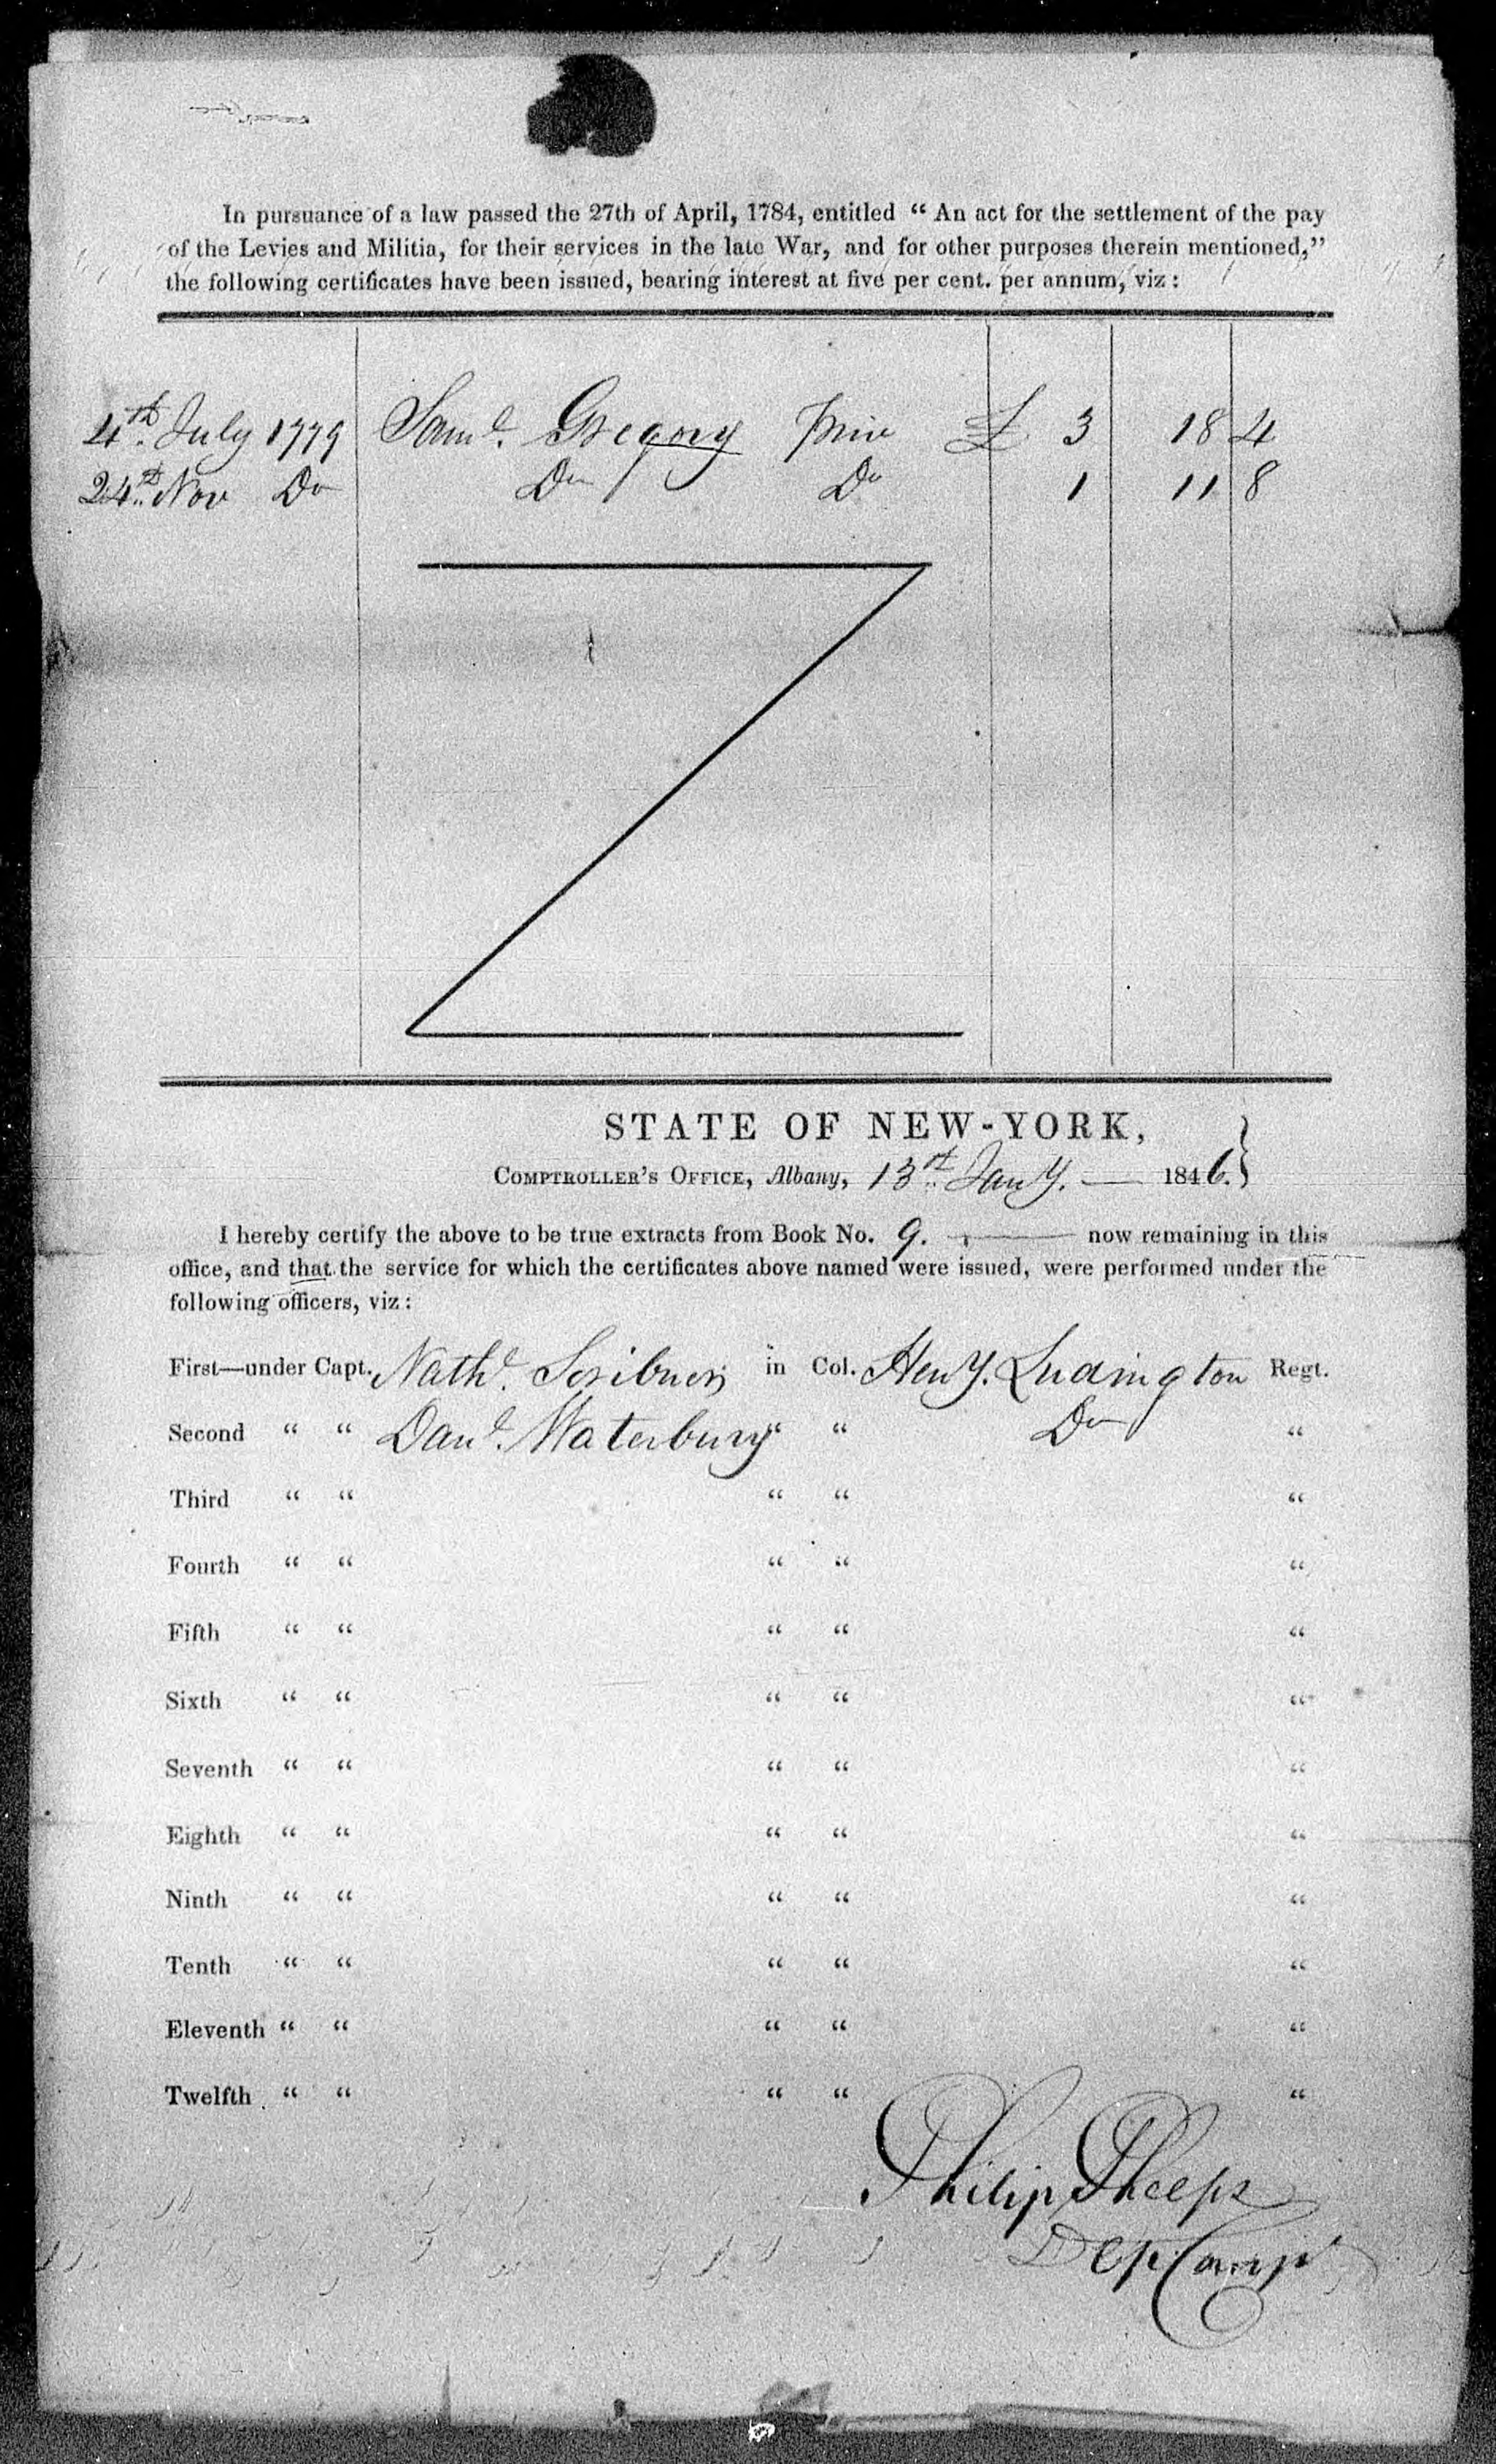In pursuance of a law passed the 27th of April, 1784, entitled "An act for the settlement of the pay of the Levies and Militia, for their services in the late War, and for other purposes therein mentioned,"the following certificates have been issued, bearing interest at five per cent. per annum, viz:

4th July 1779 / Samuel Gregory  / priv / L3-18-4
24th Nov /   /  1-11-8


 STATE OF NEW- YORK.
Comptroller's office, Albany 18th Jany 1846

I hereby certify the above to be true extracts from Book No. 9 now remaining in this office, and that the service for which the certificates above named were issued, were performed under the following officers, vis:

First - under Capt. Nath' Scribner in Col Henry Ludingtons

Second under Capt Danl Waterbur in Col  "


[singed] Phili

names: Saml Gregory, Danl Waterbury, Philip Phelps, Nathl Scribner, Heny Ludington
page: 20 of 66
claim: rejected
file: R. 4298, Samuel Gregory, New York